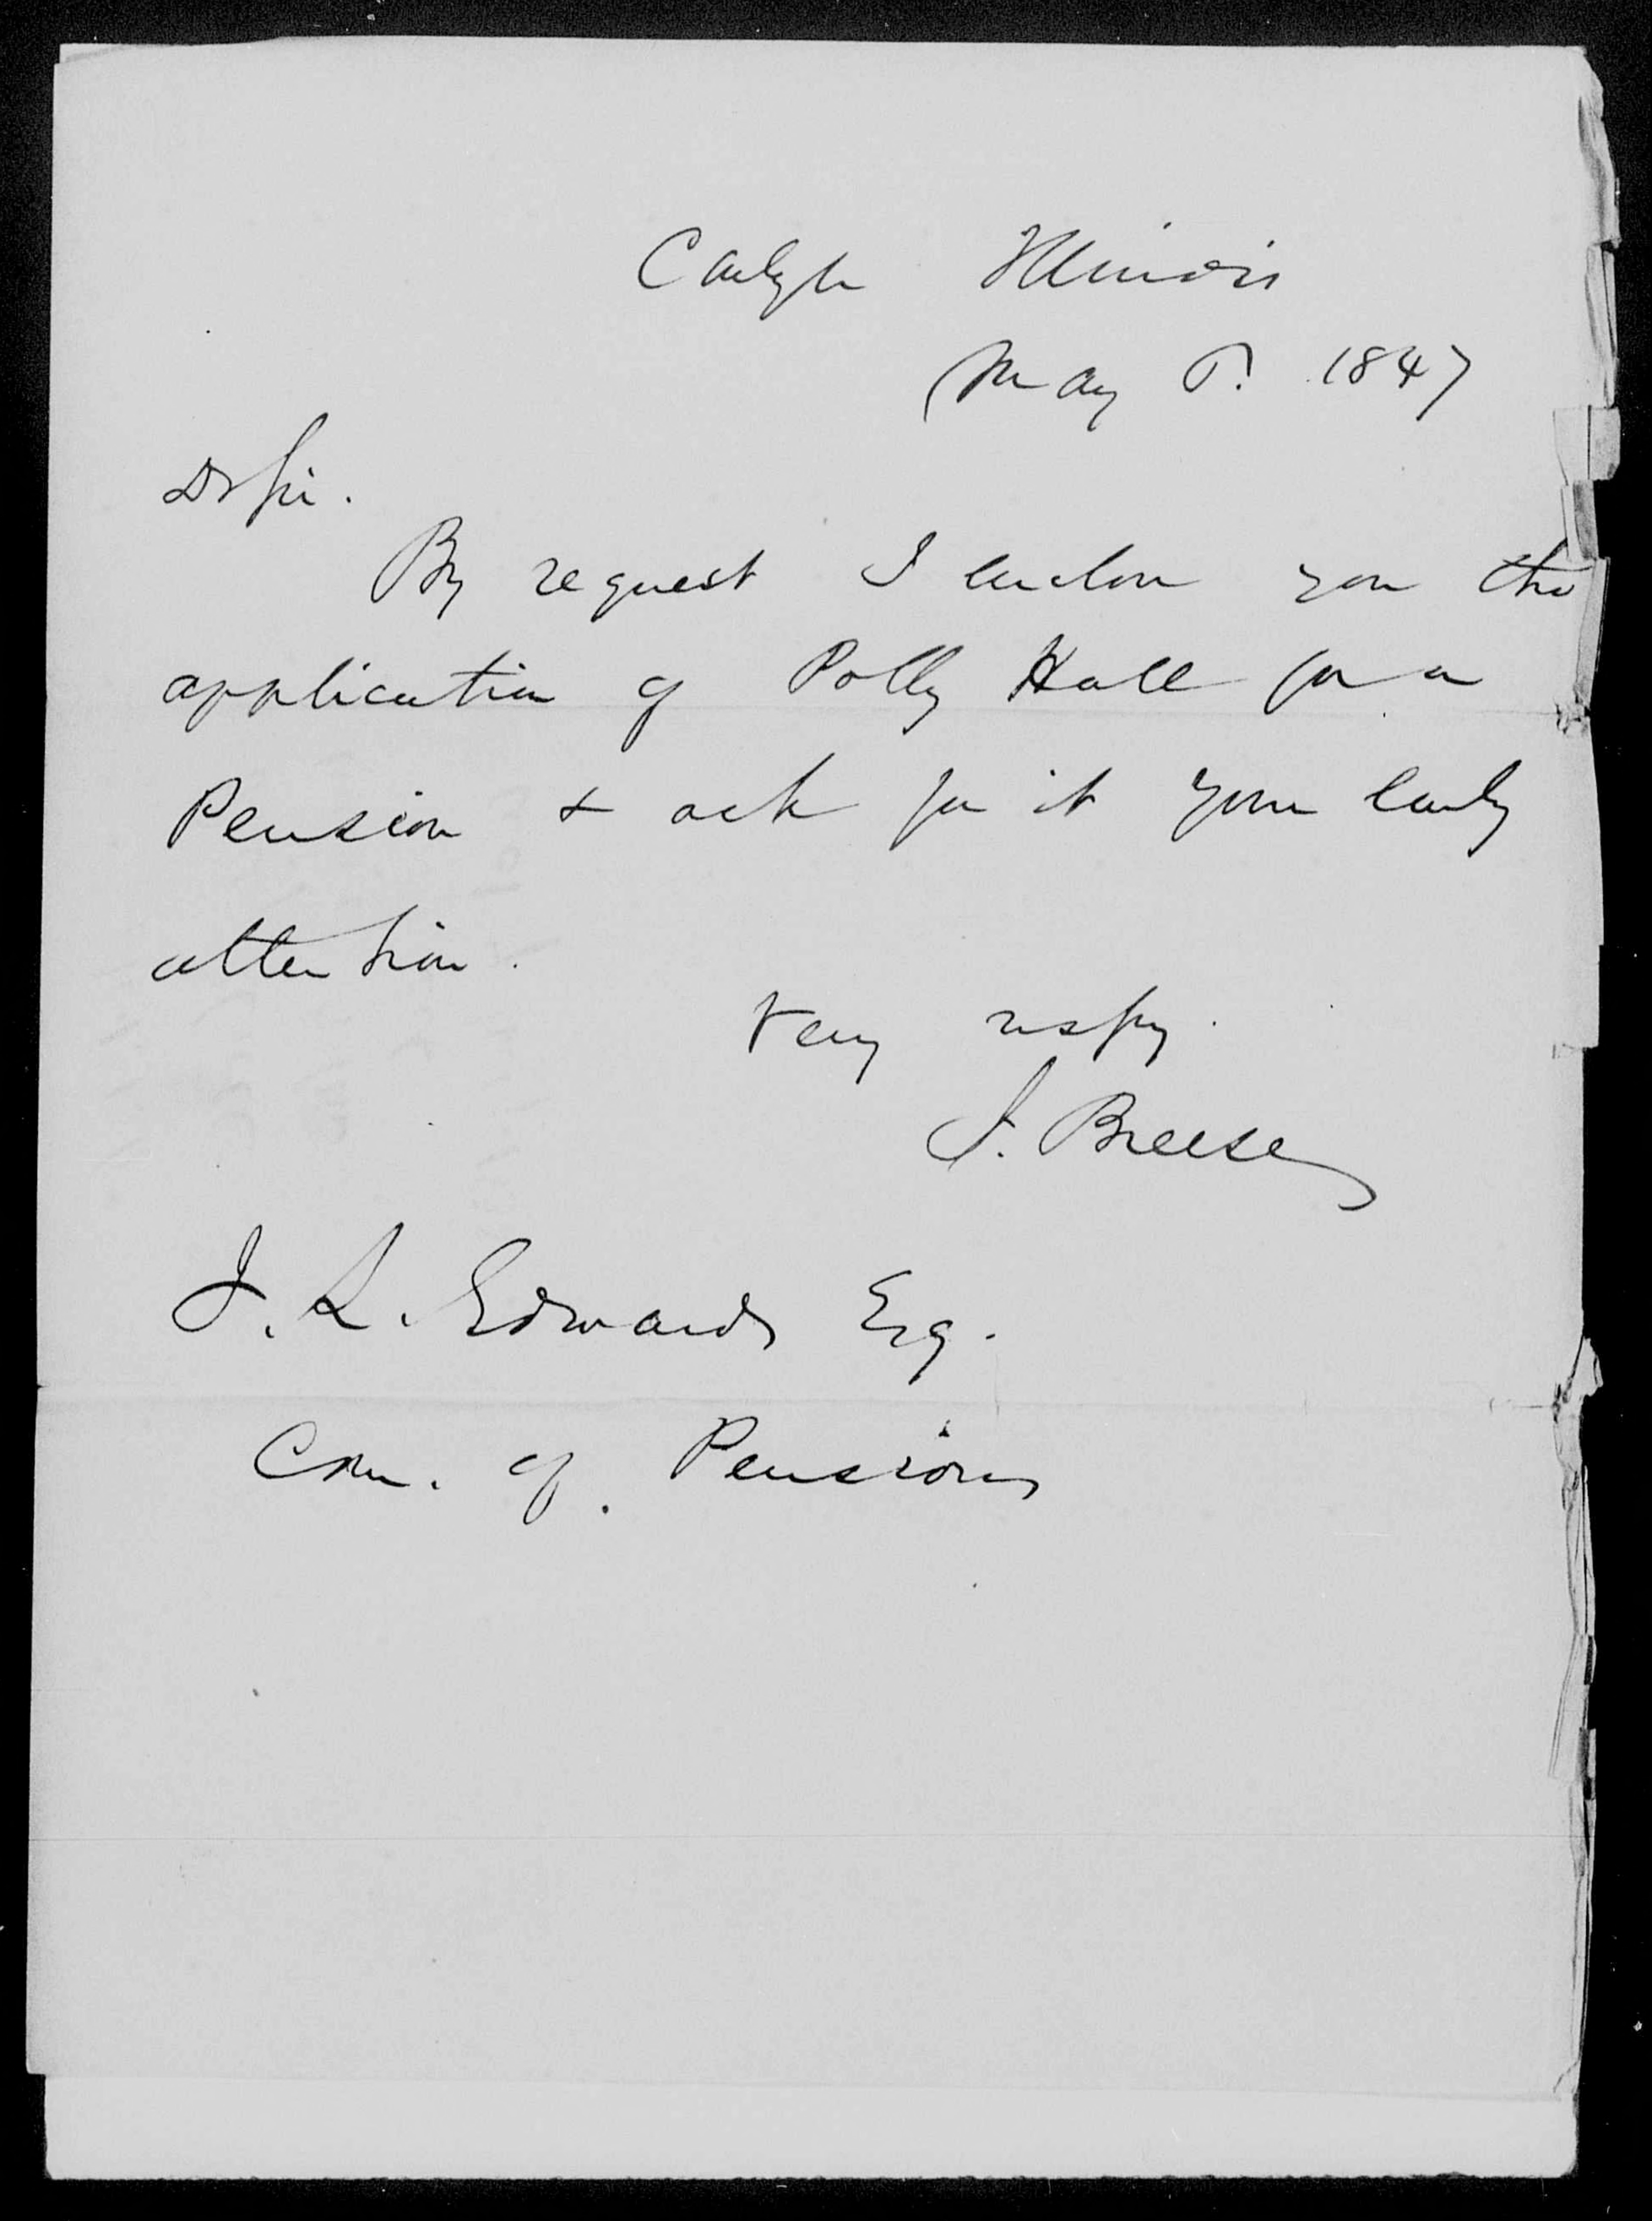Carlyle Illinois
May 6. 1847

Dr Sir:
By request I enclose for the
application of Polly Hall for a
Pension & ask for it your early
attention.

Very respy
J. Breese

J. S Edwards Esq
C of Pension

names: S Breese, Polly Hall, J L Edwards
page: 29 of 61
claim: widow's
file: W. 23,236, John Hall, N.C.